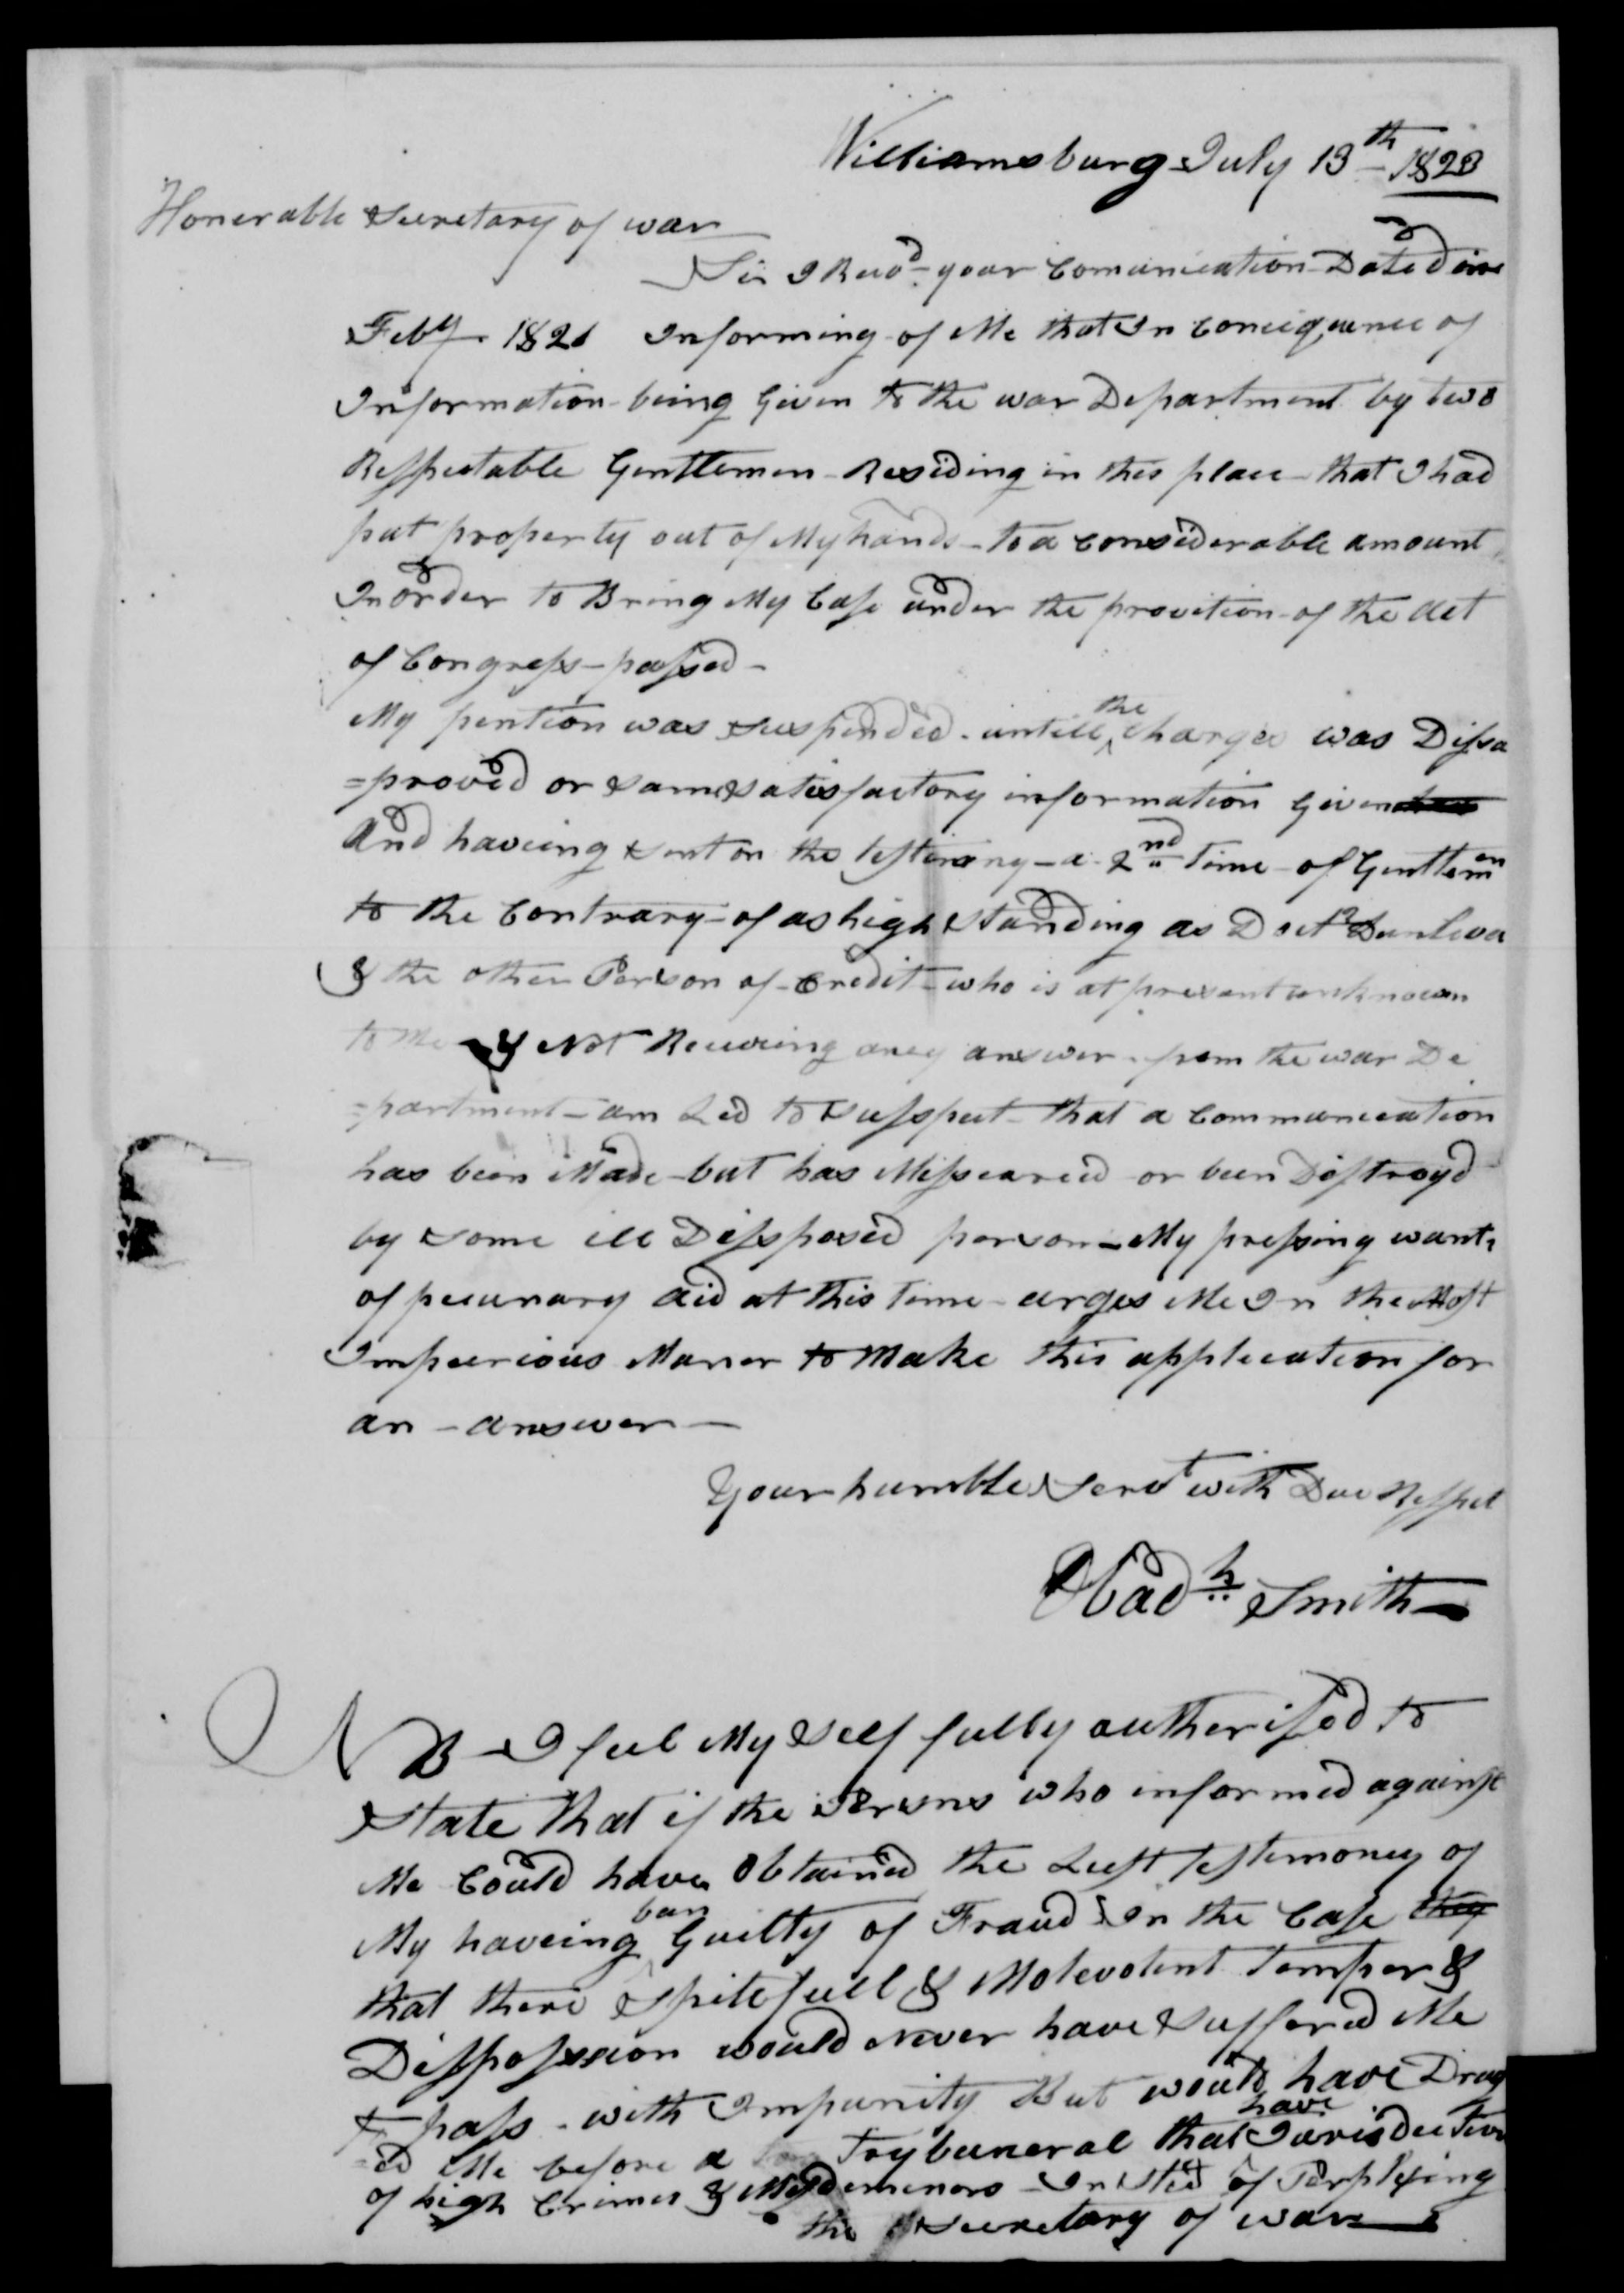Williamsburg July 13th 1820 
Honorable Secretary of war 
Sir I Recd. your communication Dated in Feby 1826 Informing of Me that In consequence of Information being given to the war Department by two Reputable Gentlemen residing in this place that I had put property out of My hands to a considerable amount In order to Bring My Case under the provition [sic\ of the Act of Congress passed - [blank] 
My pention [pension] was suspended untill the charge was Disproved or some satisfactory information given [crossed out word] And having sent on the testimony- a 2nd time - of Gentlemen to the contrary of as high standing as Doct Dunlevy & the other Person of Credit - who is at present unknown to me & not Receiving any answer from the war Department- am Led to expect - that a communication has been Made - but has miscarried or been Destroyed by some indisposed person. My pressing want, of pecuniary aid at this time- urges Me in the Most Imperious Manor [manner] to Make this application for an answer- Your humble Servt with Due Respect [signature:] Obadh. Smith 
N B I feel Myself fully authorized to state that if the Persons who informed against Me Could have obtained the Least testimony of My having been guilty of Fraud on the Case ["they" is crossed out] that there [they're] spitefull & Malevolent temper & Deposision [deposition] should never have suffered Me to pass. with Impunity that would have Dropt Me  before a trybuneral [tribunal] that have Jurisdiction of high Crimes &  Misdemeanors Intitled of Perplexing the Secretary of war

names: Obadh Smith; [BLANK] Dunlevy; Javis Deetion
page: 53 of 66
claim: survivor's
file: S 40458, for Obadiah Smith, New York